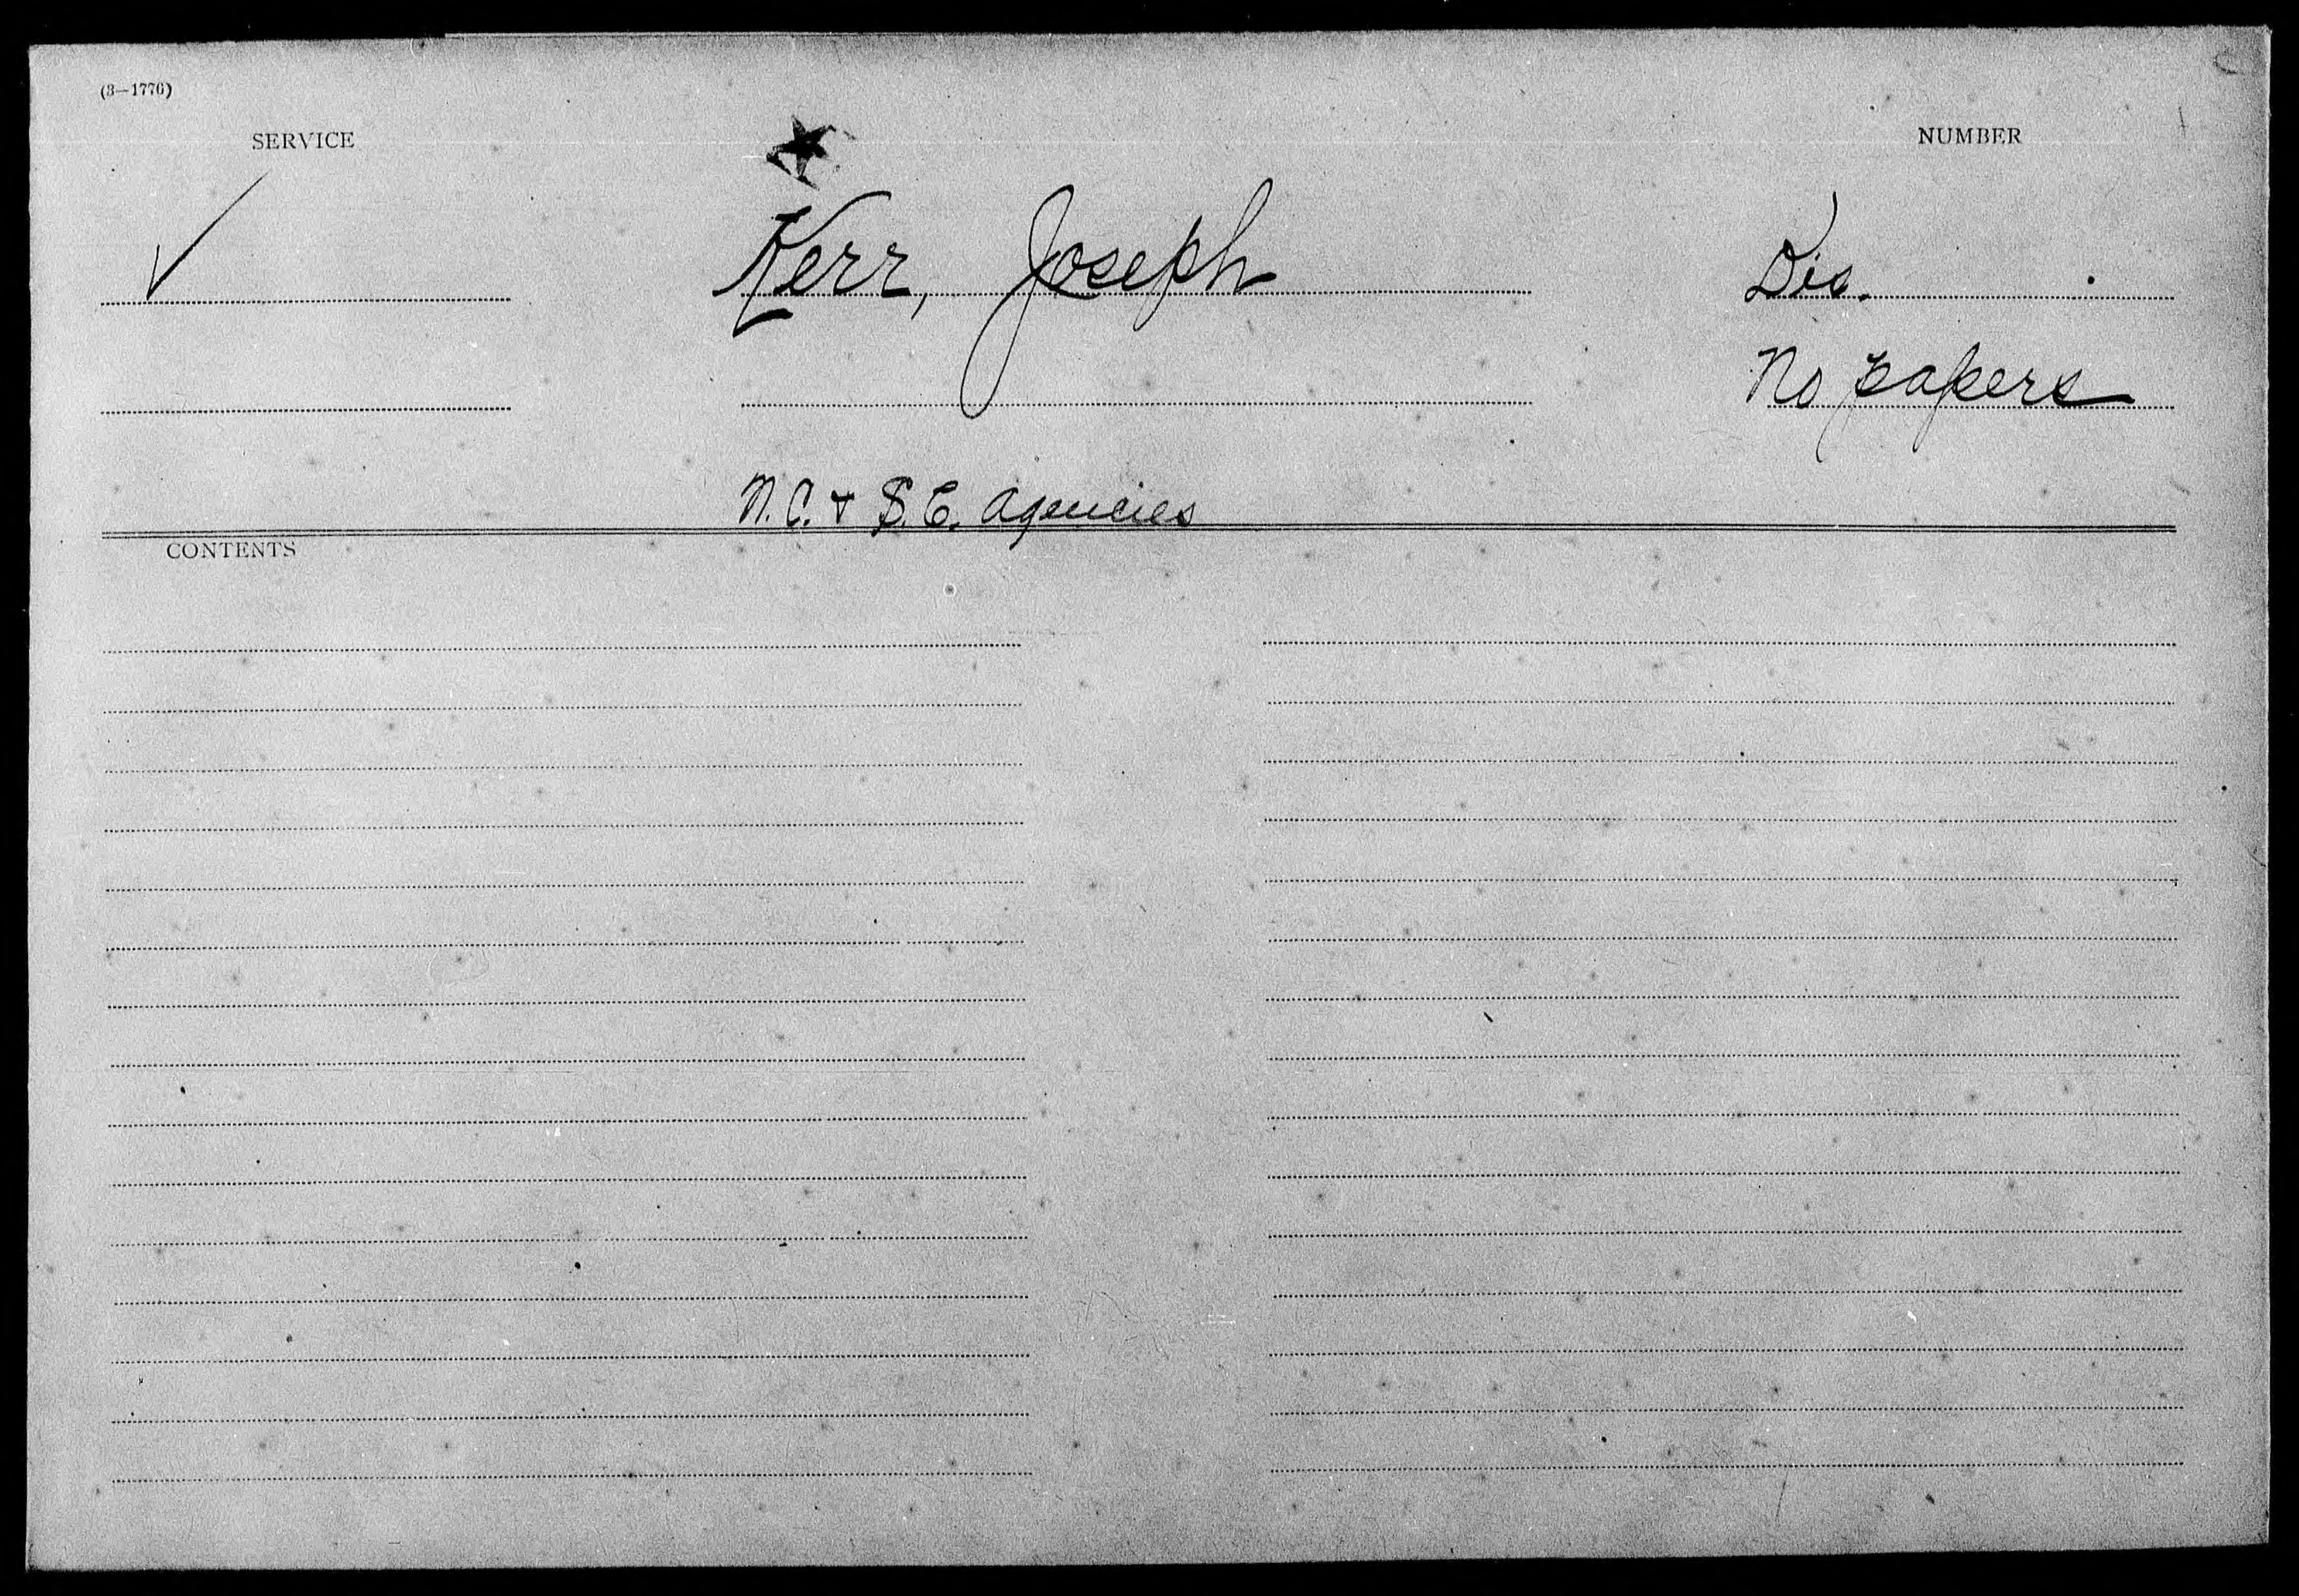Service                 stamped star              Number
check mark          Kerr, Joseph                Dec.
                                                               no papers
 N.C. & S.C. Agencies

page: 1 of 6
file: for Joseph Kerr, North Carolina